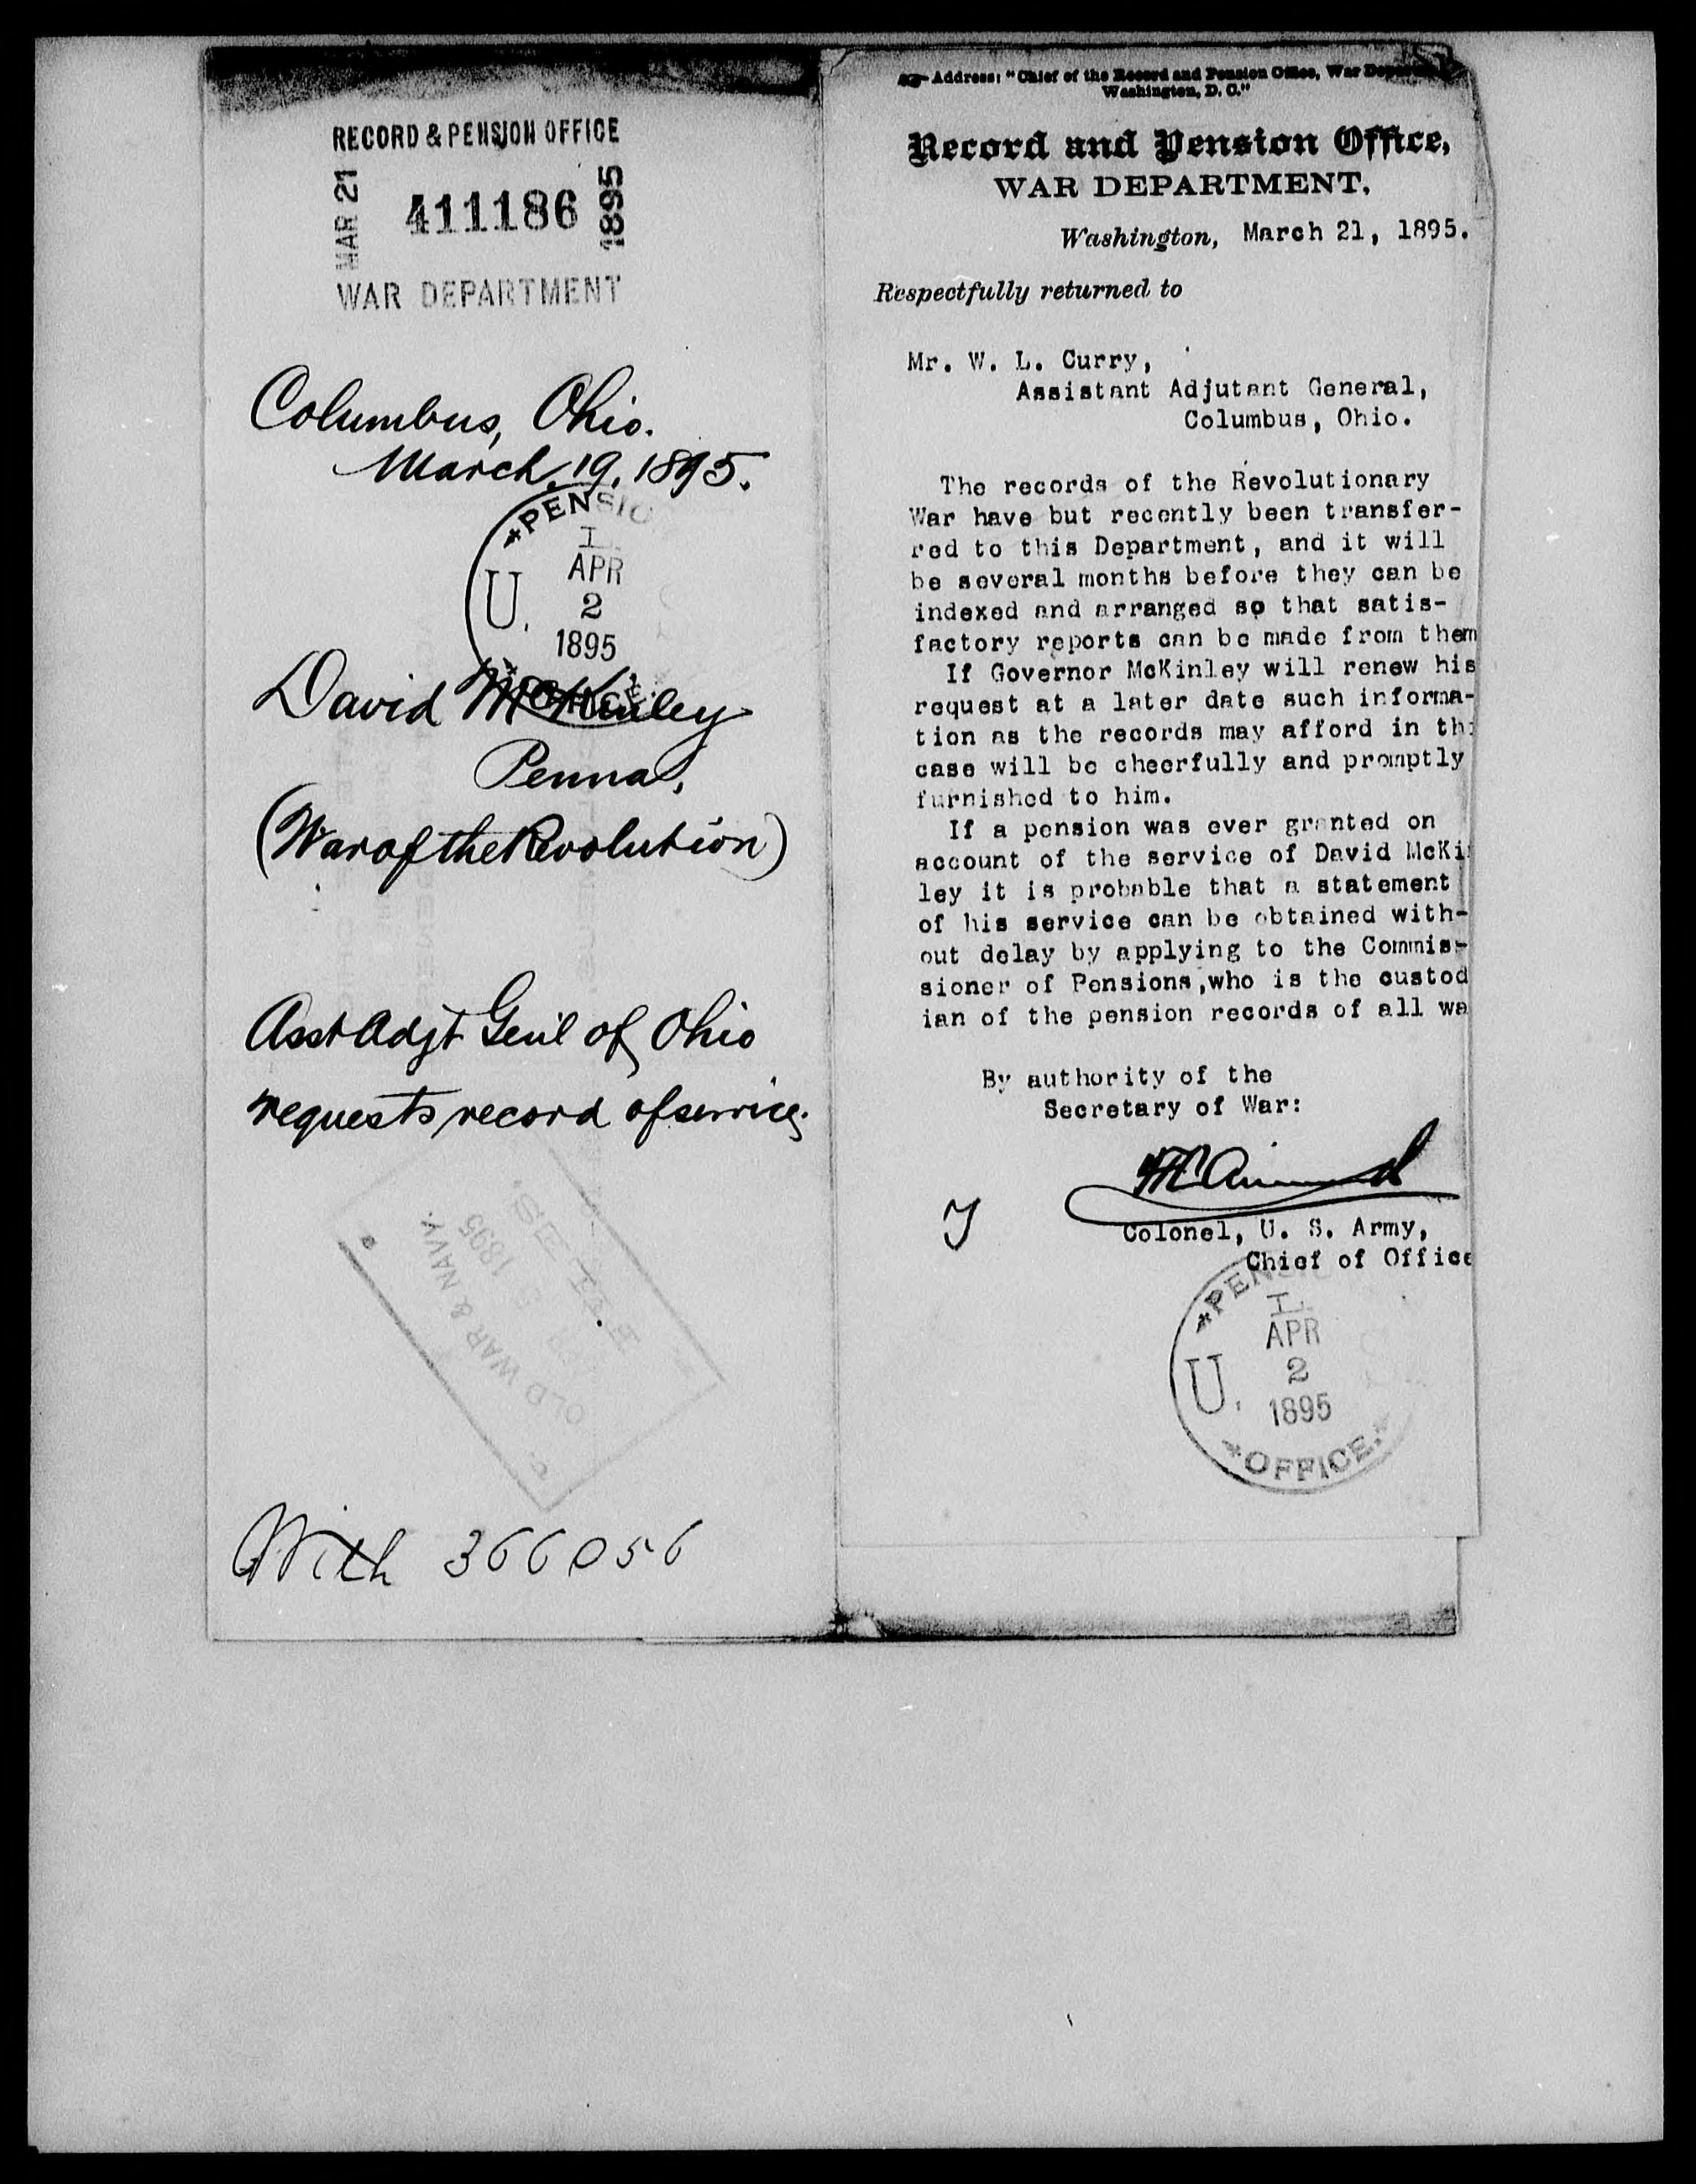[left page]
[stamp]
RECORD & PENSION OFFICE
WAR DEPARTMENT
MAR 21
1895
411186

[handwritten]
Columbus, Ohio.
March 19, 1895.

[stamp]
U.S. PENSION OFFICE
L.
Apr 2 1895

[handwritten]
David McKinley
Penna.
(War of the Revolution)

Asst Adjt Genl of Ohio
requests record of service

[stamp]
OLD WAR & NAVY
FILES
[???] 5 1895

[handwritten]
With 366056

[right page]
Address: Chief of the Record and Pension Office, War Department
Washington, D. C.

Record and Pension Office,
WAR DEPARTMENT.

Washington, March 21, 1895.
Respectfully returned to

Mr. W. L. Curry,
Assistant Adjutant General,
Columbus, Ohio.

The records of the Revolutionary War
have but recently been transferred
to this Department, and it will be
several months before they can be
indexed and arranged so that satisfactory
reports can be made from them
If Governor McKinley will renew his
request at a later date such information
as the records may afford in this
case will be cheerfully and promptly
furnished to him.
If a pension was ever granted on
account of the service of David McKinley
it is probable that a statement
of his service can be obtained without
delay by applying to the Commissioner
of Pensions, who is the custodian
of the pension records of all wa[rs].

By authority of the
Secretary of War:
[signature] F? L? A?
Colonel, U. S. Army,
Chief of Office
[handwritten annotation] T.

[stamp]
U.S. PENSION OFFICE
L
APR 2 1895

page: 33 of 39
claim: survivor's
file: S. 2812, for David Mc Kinley, Pennsylvania